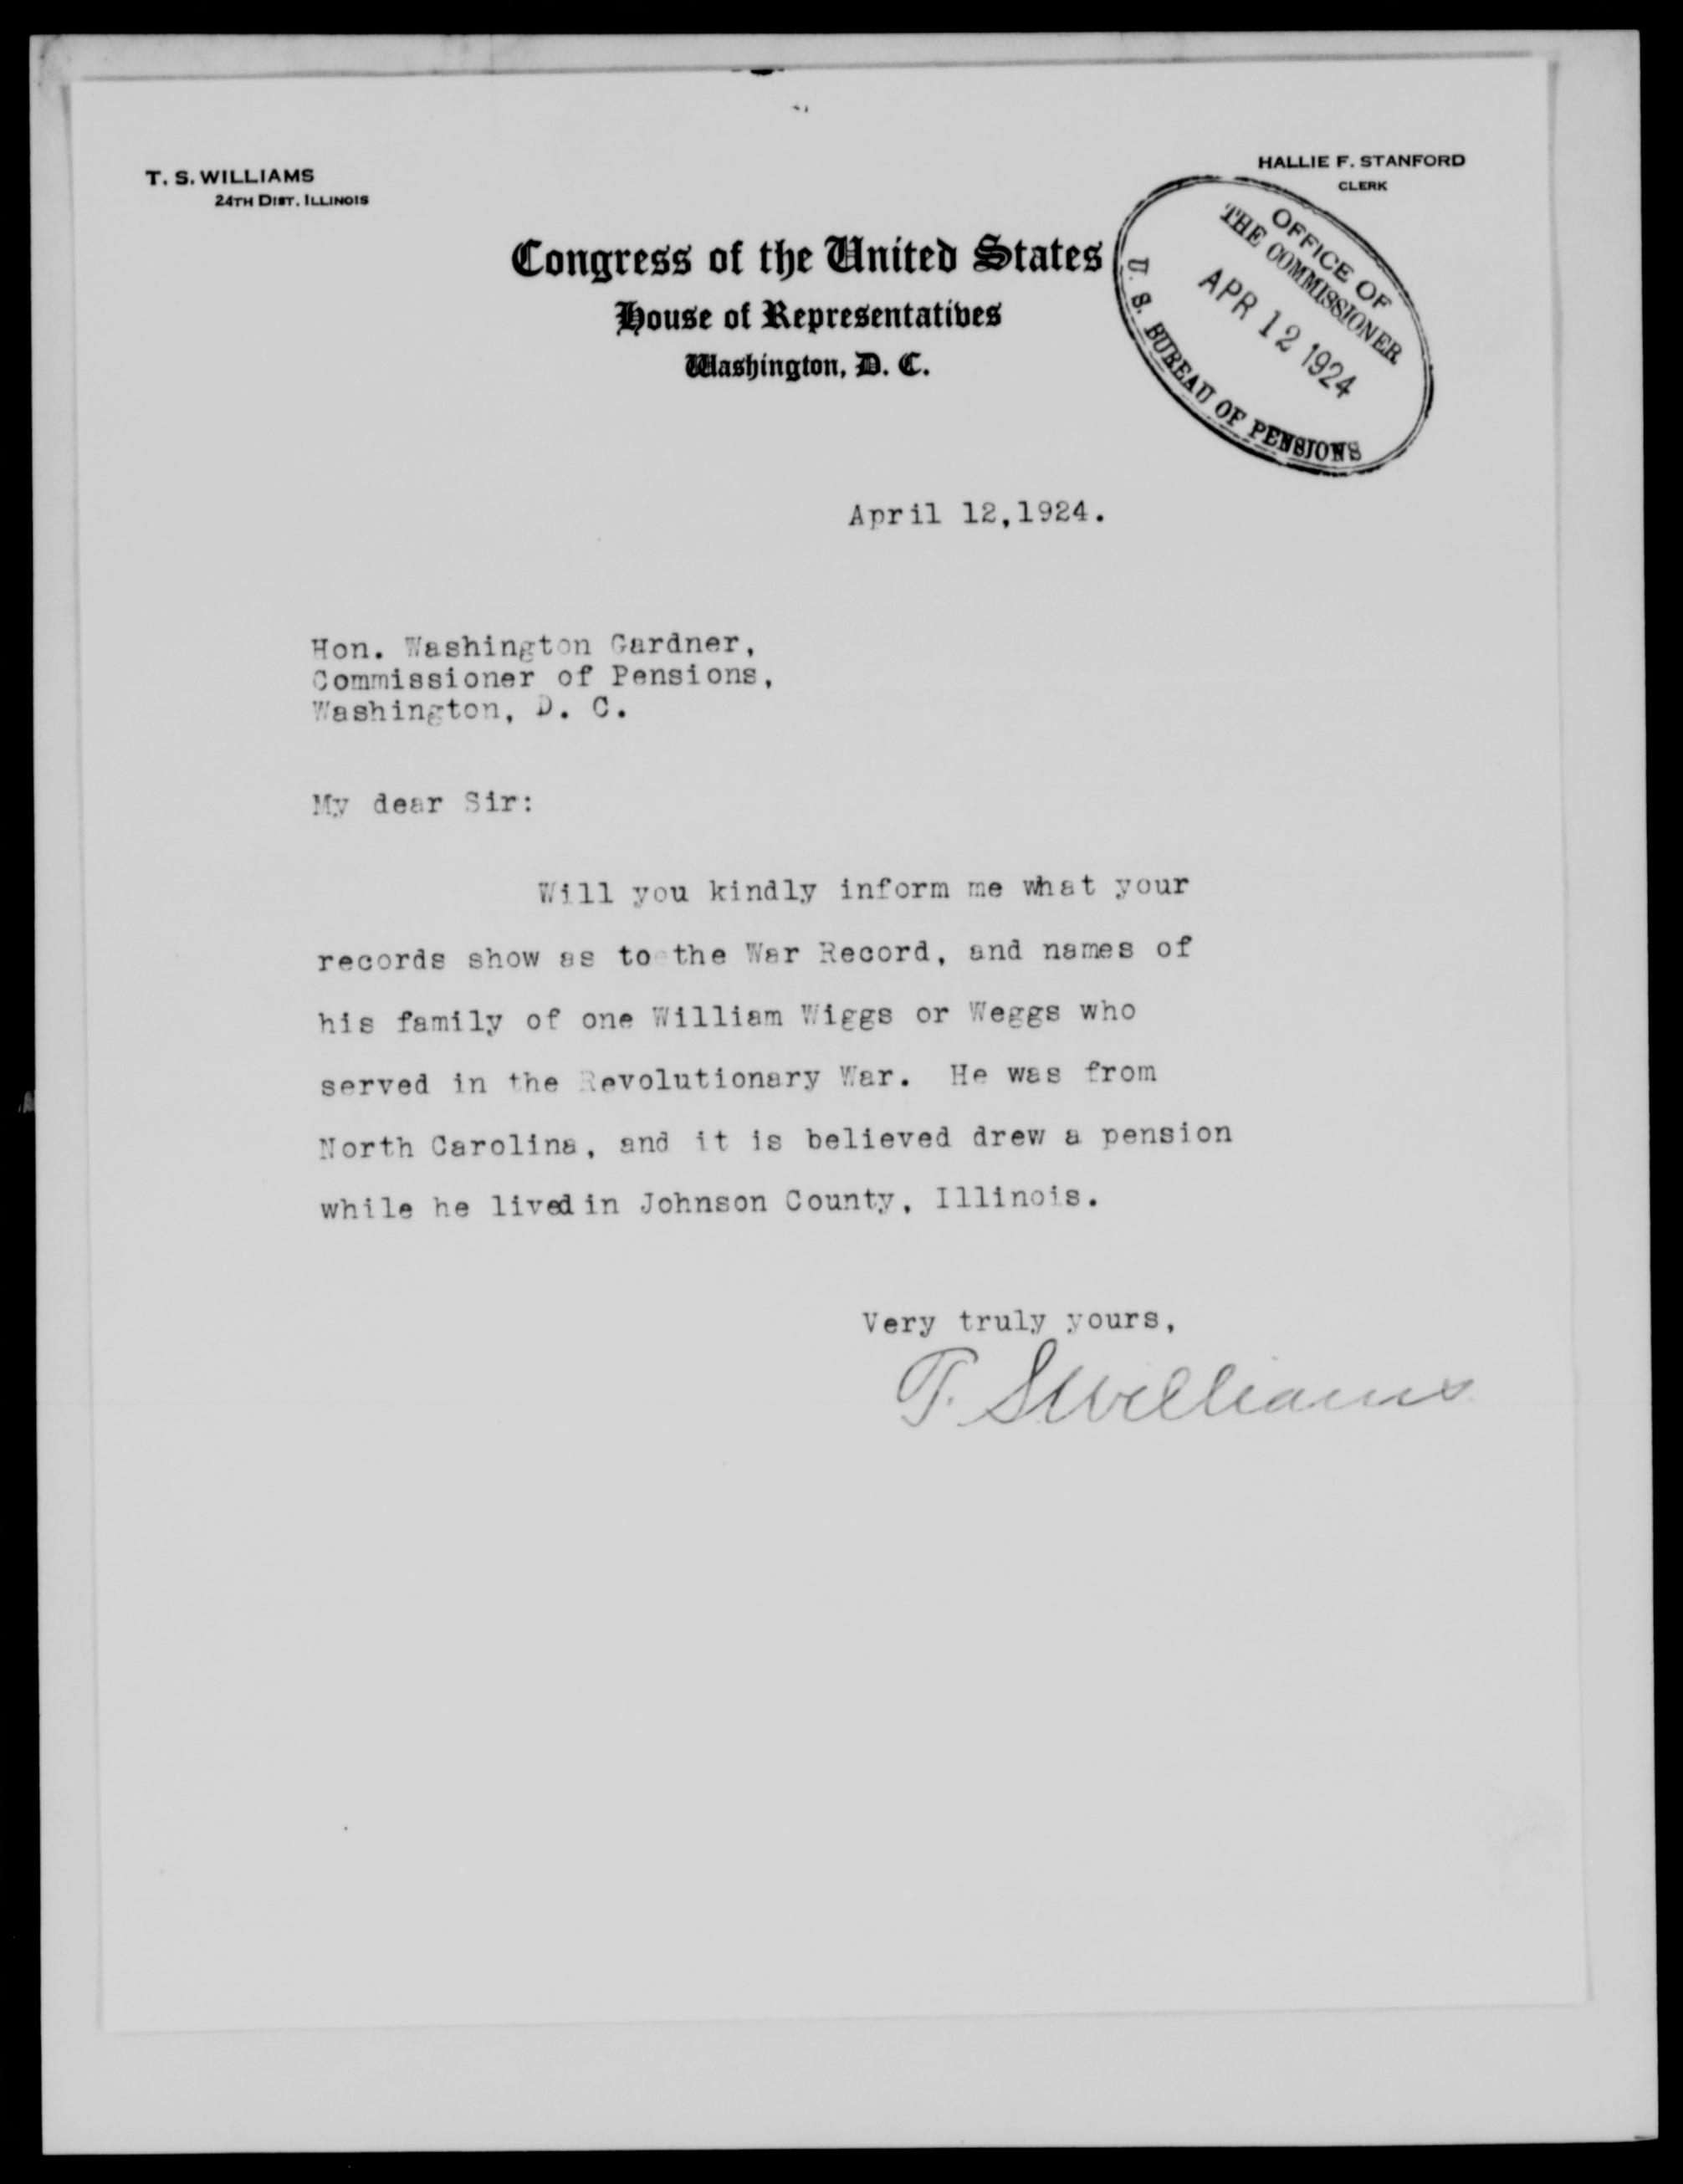T. S. WILLIAMS      .........................HALLIE F. STANFORD
12th  Dist. James  ............................. CLERK

Congress of the United States
House of Representatives
Washington, D. C.
   [STAMP:   OFFICE OF THE COMMISSIONER
            ................APRIL 12, 1924
             ...........U.S.BUREAU OF PENSIONS]

April 12, 1924.

Hon. Washington Gardner,
Commissioner of Pensions,
Washington, D. C.

My dear Sir:

Will you kindly inform me what your records show as to the War Record, and names of
his family of one William Wiggs or Weggs who served in the Revolutionary War. He was from
North Carolina, and it is believed drew a pension while he lived in Johnson County, Illinois.

Very truly yours,
T. S Williams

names: William Wiggs, Washington Gardner, T S Williams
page: 25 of 31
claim: survivor's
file: S. 32608, William Wiggs, N.C.